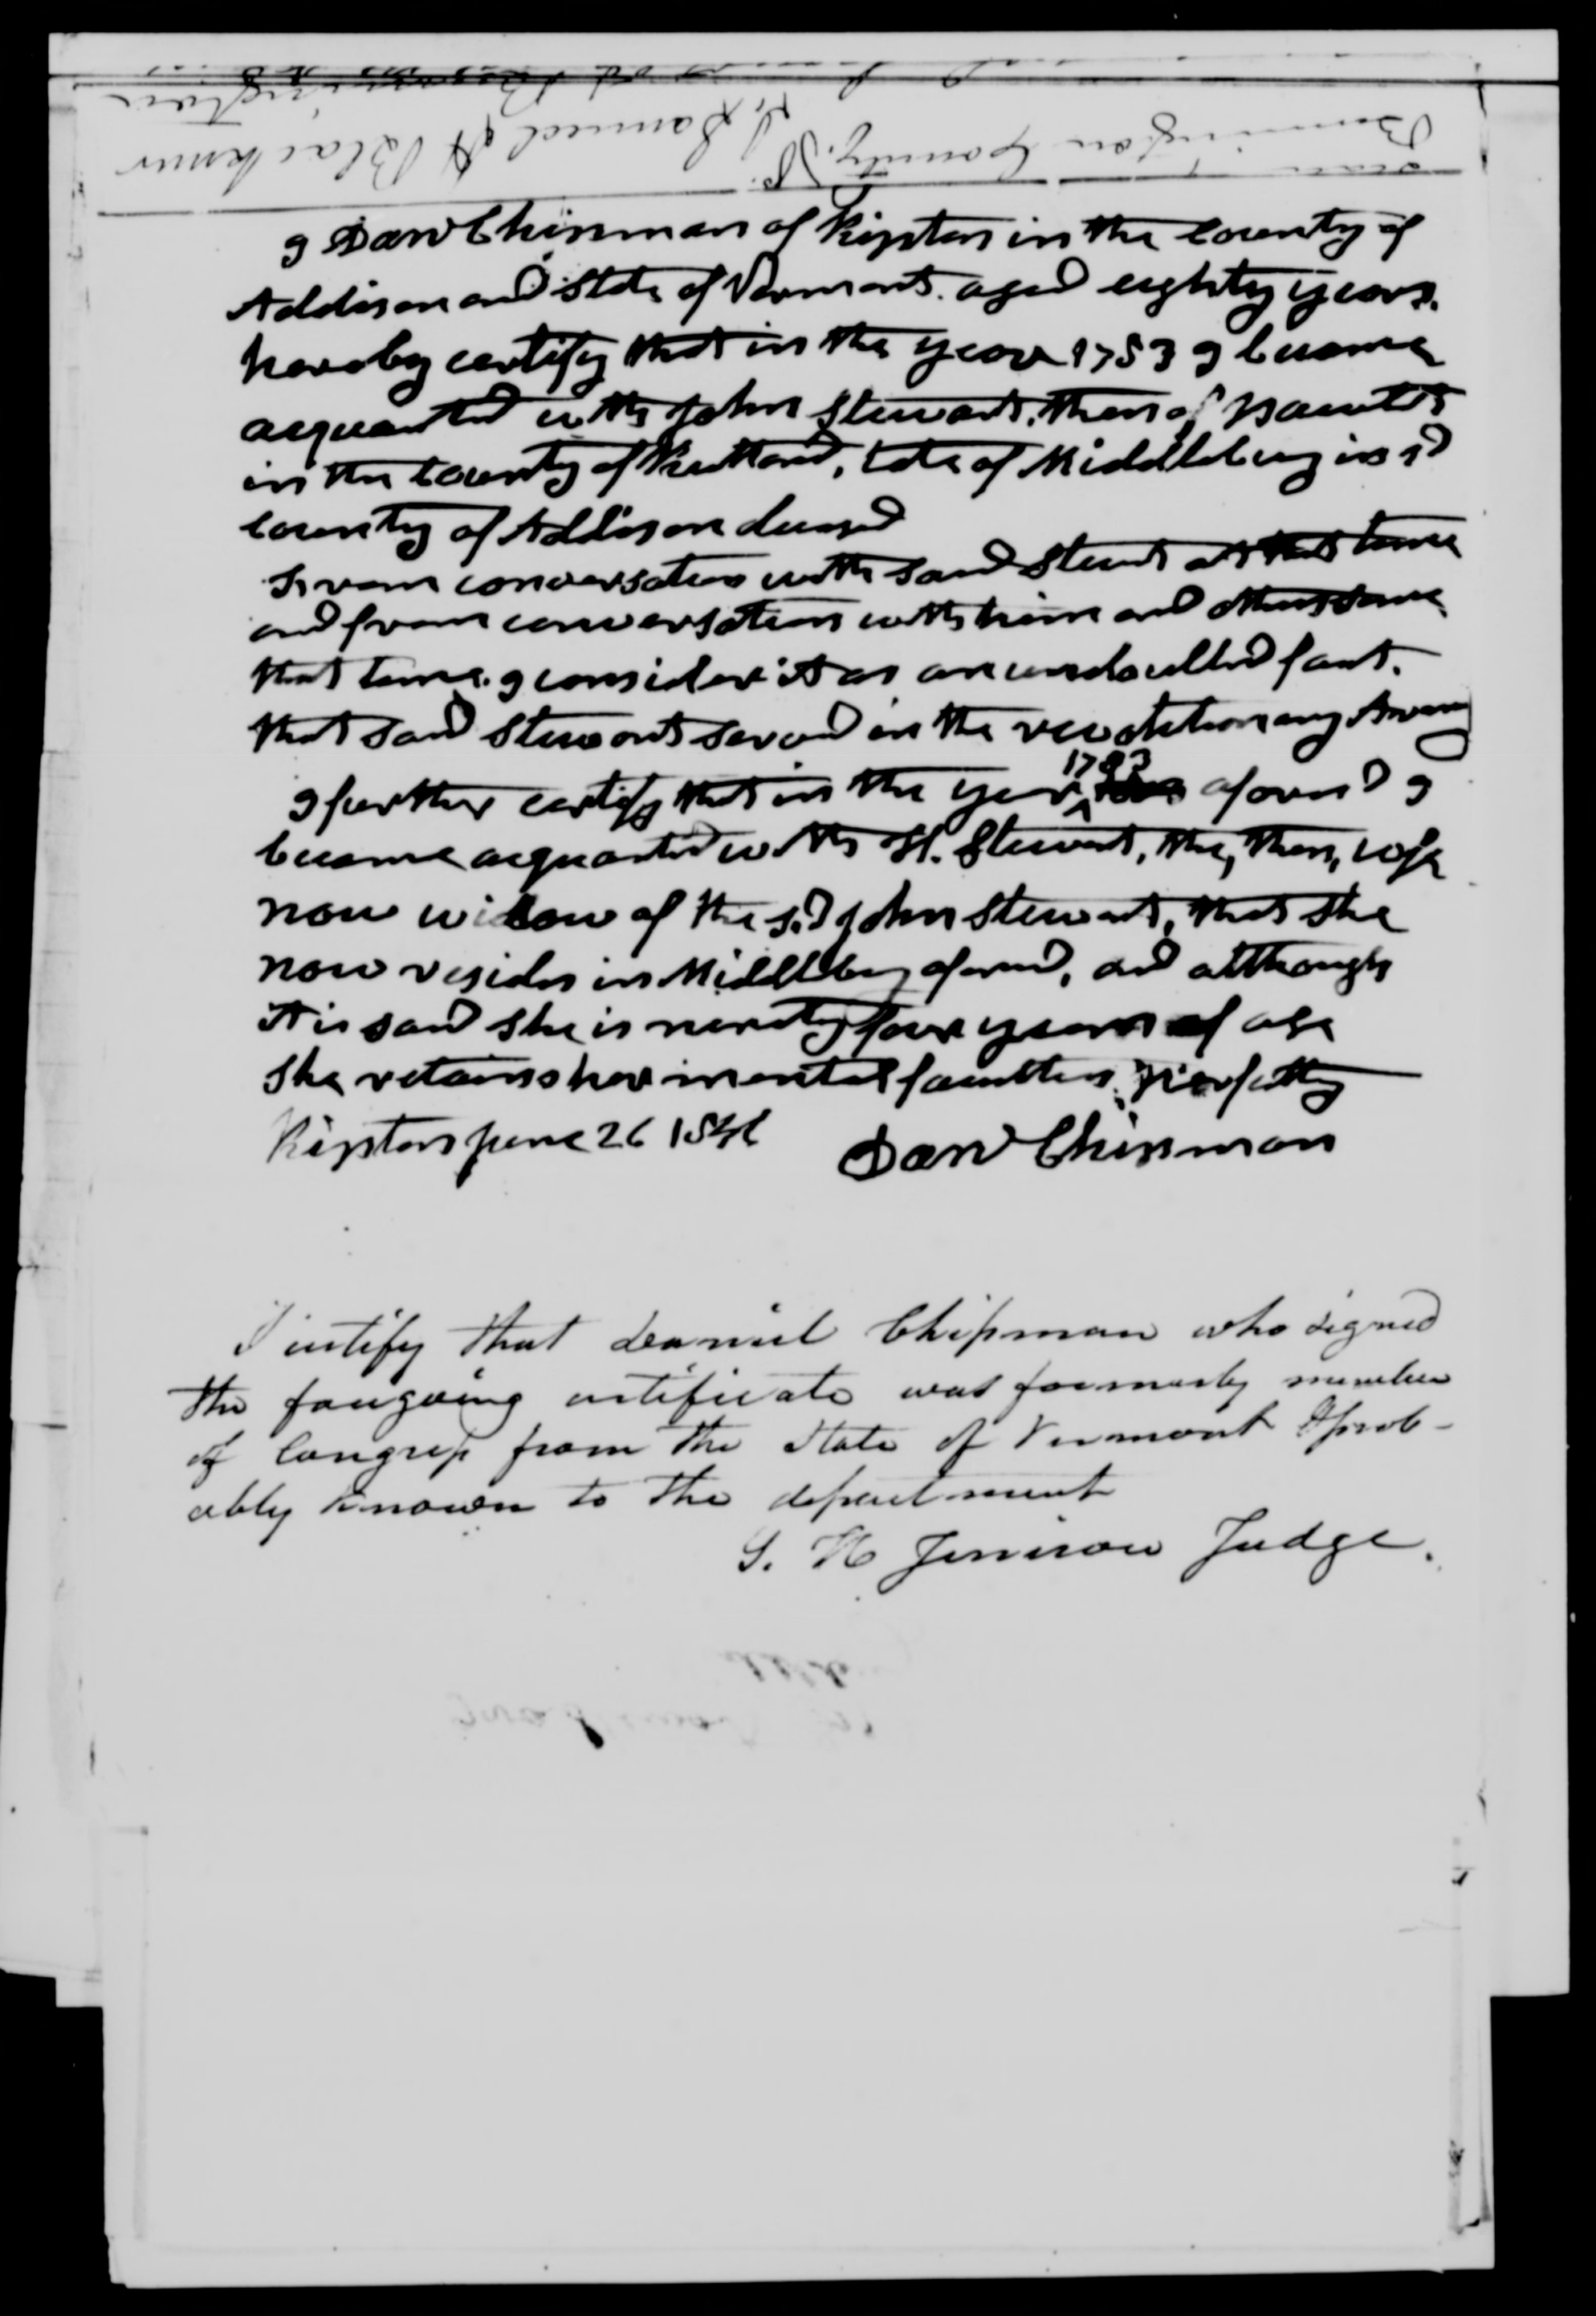I Daniel Chinman of Kingston in the County of
Addison and State of Vermont aged eighty years
hereby certify that in the year 1753 became
acquainted with John Stewart then of [illegible]
in the County of Rutland late of Middleberry
County of Addison decd
From conversation with said Stewart
and from conversation with him and the
that time consider it as and called past.
that said Stewart Served in the revolutionary army
I further certify that in the year 1783 aforesaid I 
became acquainted with Mrs H. Stewart, the thereof
now widow of the sd John Stewart, that the
now reside in Middlebury afored, and although
it is said their next General
[illegible]
Hinton June 26 1842
[signature] Danl Chinman
I certify that Daniel Chipman who signed
the foregoing certificate was formerly number
of Congress from the State of Vermont probably known to the department
[Signature] S. H. Jennison Judge.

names: John Stewart; Daniel Chipman; Danl Chinman; Saml Stewart; Danl Chinman; S H Jenison; Saml Sturt; H Stewart; John Stewart; Samuel H Blackmer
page: 13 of 26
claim: rejected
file: R. 10,154, for John Stewart, New Hampshire